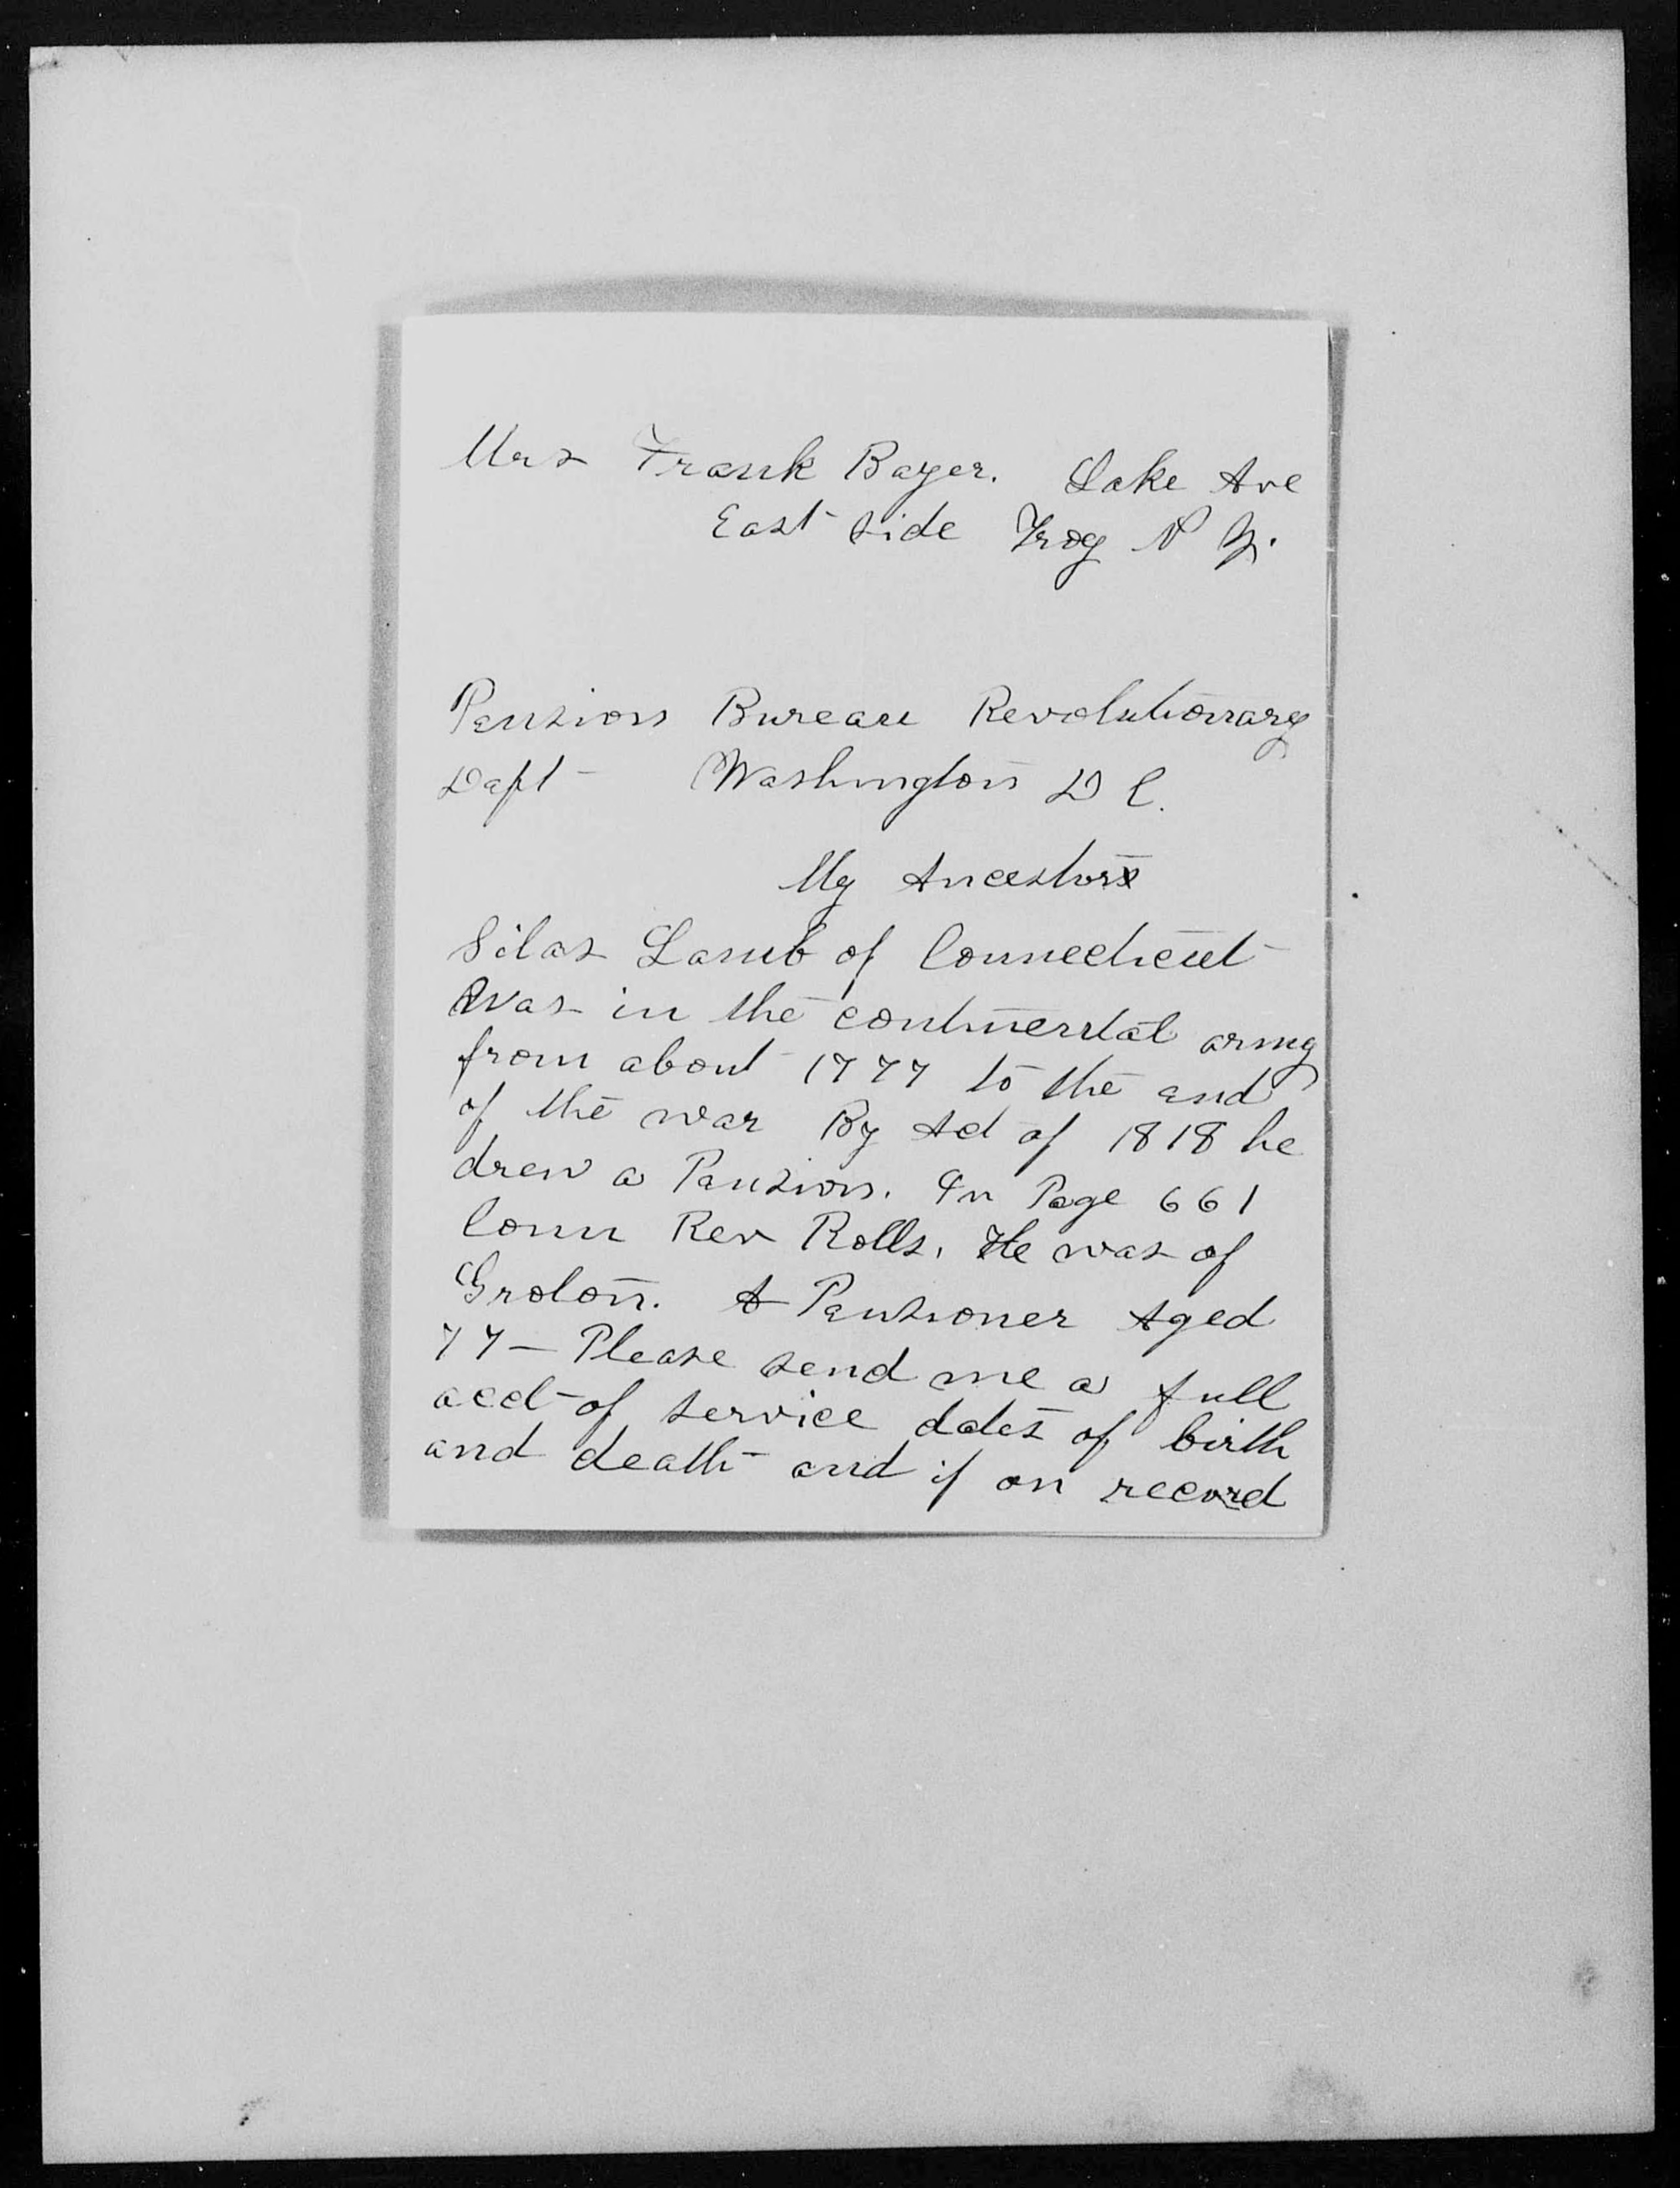Mrs Frank Bayer. Lake Ave
East side Leroy N Y.
Pension Bureau Revolutionary
Dept Washington DC.
My Ancestor
Silas Lamb of Connecticut
was in the continental army
from about 1777 to the end
of the war by Act of 1818 he
drew a Pension. In Page 661
Conn Rev Rolls, He was of
Groton. & Prisoner Aged
77 - Please send me a full
act of service dates of birth
and death and if on record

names: Frank Bayer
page: 30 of 31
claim: survivor's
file: S. 43766, for Amos Parker, Connecticut